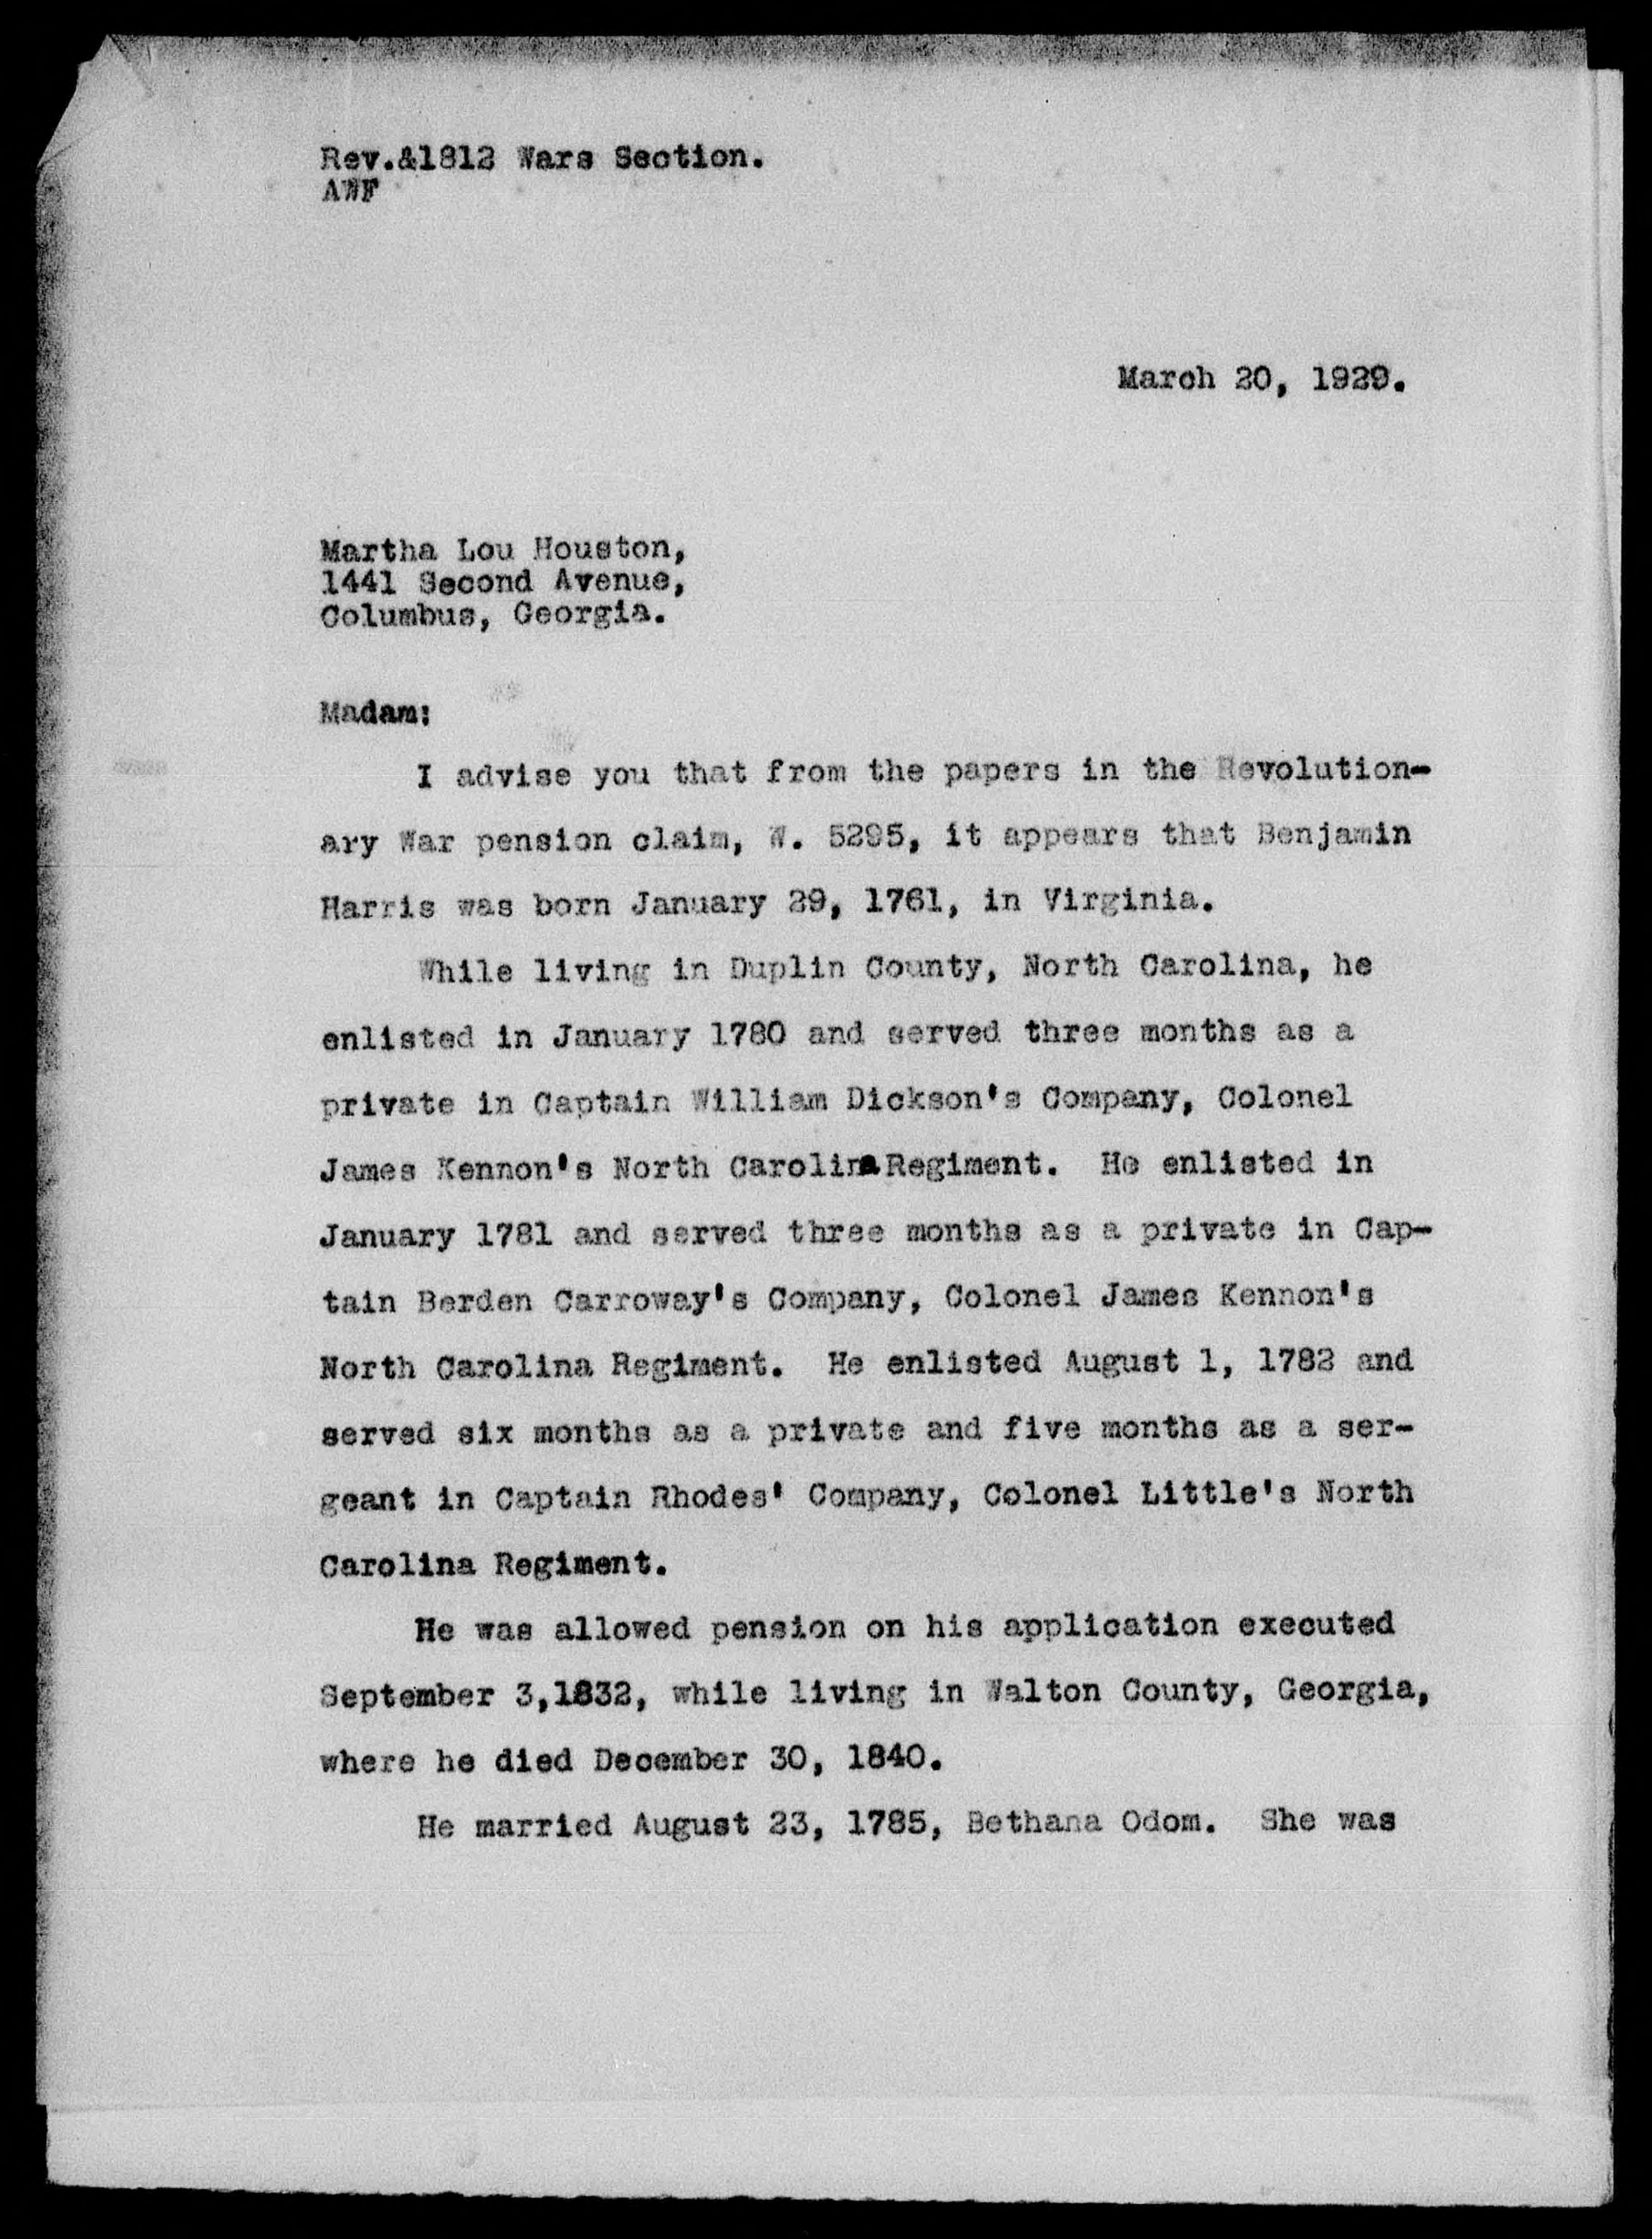Rev.&1812 Wars Section. AWF 
March 20, 1929. 
Martha Lou Houston, 1441 Second Avenue, Columbus, Georgia. 

Madam: I advise you that from the papers in the Revolutionary War pension claim, W. 5295, it appears that Benjamin Harris was born January 29, 1761, in Virginia. 

While living in Duplin County, North Carolina, he enlisted in January 1780 and served three months as a private in Captain William Dickson's Company, Colonel James Kennon's North Carolina Regiment. He enlisted in January 1781 and served three months as a private in Capt tain Borden Carroway's Company, Colonel James Kennon's North Carolina Regiment. He enlisted August 1, 1782 and served six months as a private and five months as a sergeant in Captain Rhodes' Company, Colonel Little's North Carolina Regiment. 

He was allowed pension on his application executed September 3, 1832, while living in Walton County, Georgia, where he died December 30, 1840. 

He married August 23, 1785, Bethana Odom. She was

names: Martha Lou Houston, Benjamin Harris, Bethana Odom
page: 53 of 62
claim: survivor's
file: S. 38816, Benjamin Harris, Mass.